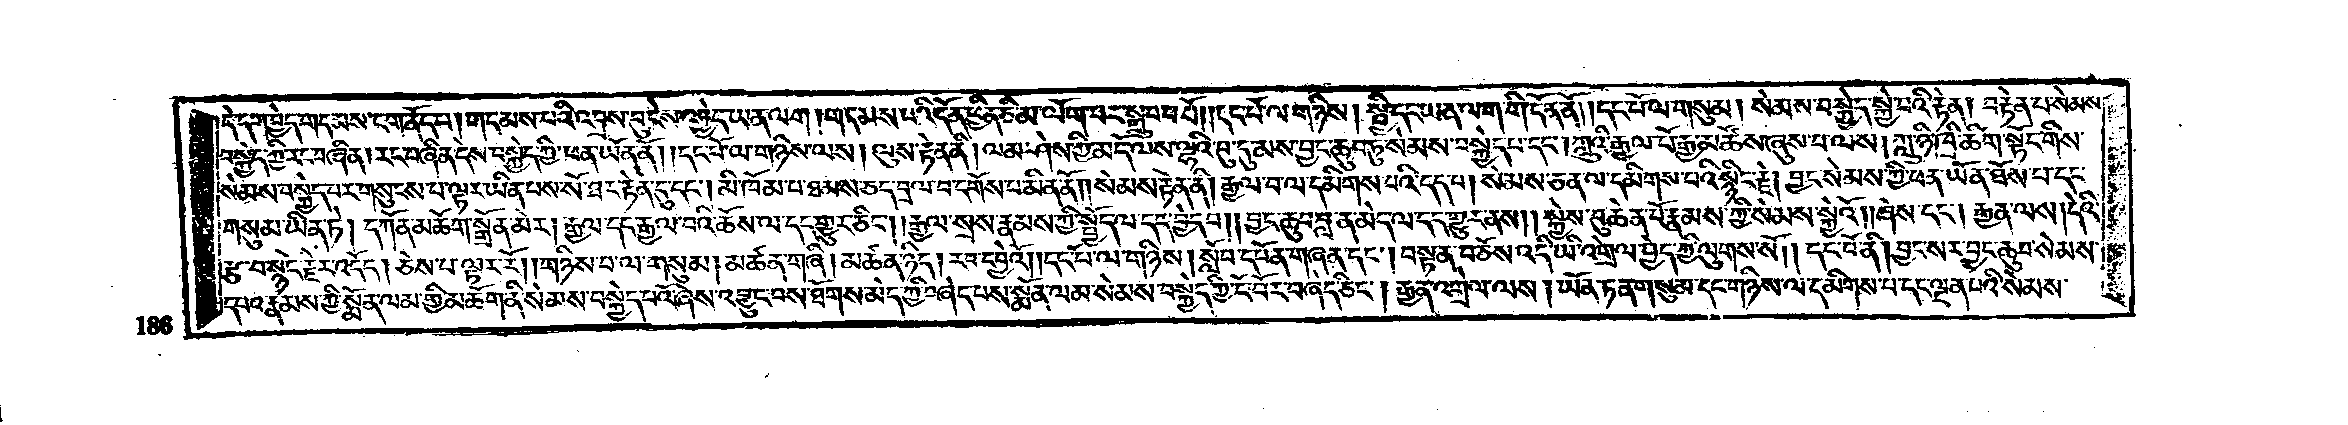དེ་དག་བྱེད་གདམས་ངག་ནོད་པ། གདམས་པའི་འབྲས་བུ་ངེས་འབྱེད་ཡན་ལག །གདམས་པའི་དོན་ཕྱིན་ཅི་མ་ལོག་པར་སྒྲུབ་པའོ། །དང་པོ་ལ་གཉིས། སྤྱི་དང་ཡན་ལག་གི་དོན་ནོ། །དང་པོ་ལ་གསུམ། སེམས་བསྐྱེད་སྐྱེ་བའི་རྟེན། བརྟེན་པ་སེམས་
བསྐྱེད་ཀྱི་རང་བཞིན། རང་བཞིན་དེས་བསྐྱེད་ཀྱི་ཕན་ཡོན་ནོ། །དང་པོ་ལ་གཉིས་ལས། ལུས་རྟེན་ནི། ལམ་ཤེས་ཀྱི་མདོ་ལས་ལྷའི་བུ་དུ་མས་བྱང་ཆུབ་ཏུ་སེམས་བསྐྱེད་པ་དང་། ཀླུའི་རྒྱལ་པོ་རྒྱ་མཚོས་ཞུས་པ་ལས། ཀླུ་ཉི་ཁྲི་ཆིག་སྟོང་གིས་
སེམས་བསྐྱེད་པར་གསུངས་པ་ལྟར་ཡིན་པས་སོ་ཐར་རྟེན་དུ་དང་། མི་ཁོམ་པ་ཐམས་ཅད་བྲལ་བ་དགོས་པ་མིན་ནོ། །སེམས་རྟེན་ནི། རྒྱལ་བ་ལ་དམིགས་པའི་དད་པ། སེམས་ཅན་ལ་དམིགས་པའི་སྙིང་རྗེ། བྱང་སེམས་ཀྱི་ཕན་ཡོན་ཐོས་པ་དང་
གསུམ་ཡིན་ཏེ། དཀོན་མཆོག་སྒྲོན་མེར། རྒྱལ་དང་རྒྱལ་བའི་ཆོས་ལ་དད་གྱུར་ཅིང་། །རྒྱལ་སྲས་རྣམས་ཀྱི་སྤྱོད་ལ་དད་བྱེད་པ། །བྱང་ཆུབ་བླ་ན་མེད་ལ་དད་གྱུར་ནས། །སྐྱེས་བུ་ཆེན་པོ་རྣམས་ཀྱི་སེམས་སྐྱེའོ། །ཞེས་དང་། རྒྱན་ལས། དེའི་
རྩ་བ་སྙིང་རྗེར་འདོད། ཅེས་པ་ལྟར་རོ། །གཉིས་པ་ལ་གསུམ། མཚན་གཞི། མཚན་ཉིད། རབ་དབྱེའོ། །དང་པོ་ལ་གཉིས། སློབ་དཔོན་གཞན་དང་། བསྟན་བཅོས་འདི་ཡི་འགྲེལ་བྱེད་ཀྱི་ལུགས་སོ། །དང་པོ་ནི། བྱང་སར་བྱང་ཆུབ་སེམས་
དཔའ་རྣམས་ཀྱི་སྨོན་ལམ་གྱི་མཆོག་ནི་སེམས་བསྐྱེད་པའོ་ཞེས་འབྱུང་བས་ཐོགས་མེད་ཀྱི་བཞེད་པས་སྨོན་ལམ་སེམས་བསྐྱེད་ཀྱི་ངོ་བོར་བཞེད་ཅིང་། རྒྱན་འགྲེལ་ལས། ཡོན་ཏན་གསུམ་དང་གཉིས་ལ་དམིགས་པ་དང་ལྡན་པའི་སེམས་